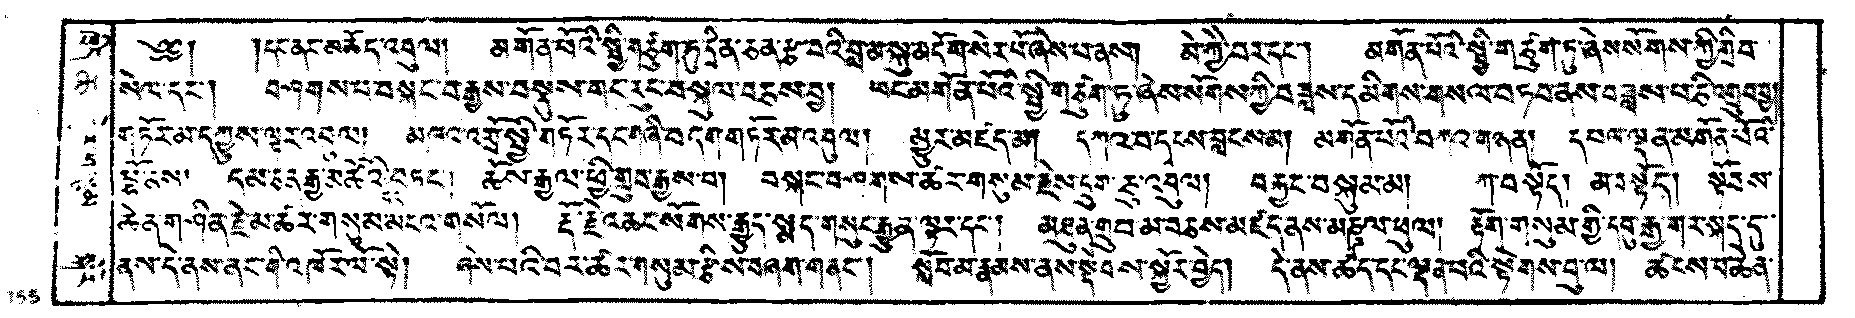༄༅། །དང་ནང་མཆོད་འབུལ། མགོན་པོའི་སྤྱི་གཙུག་ཏུ་དྲིན་ཅན་རྩ་བའི་བླ་མ་སྐུ་མདོག་སེར་པོ་ཞེས་པ་ནས། མེ་ཀྱཻ་བར་དང་། མགོན་པོའི་སྤྱི་གཙུག་ཏུ་ཞེས་སོགས་ཀྱི་གྲིབ་
སེལ་དང་། བཤགས་པ་བསྐང་བ་རྒྱས་བསྡུས་གང་རུང་བསྐུལ་བཅས་བྱ། ཡང་མགོན་པོའི་སྤྱི་གཙུག་ཏུ་ཞེས་སོགས་ཀྱི་བཟླས་དམིགས་གསལ་བཏབ་ནས་བཟླས་པ་ཅི་འགྲུབ་བྱ།
གཏོར་མ་དཀྱུས་ལྟར་འབུལ། མཁའ་འགྲོ་སྤྱི་གཏོར་དང་གཞི་བདག་གཏོར་མ་འབུལ། མྱུར་མཛད་མ། དཀའ་བ་དྭངས་བླངས་མ། མགོན་པོའི་བཀའ་གཉན། དཔལ་ལྡན་མགོན་པོའི་
ལྷོ་ནས། དམ་ཅན་རྒྱ་མཚོའི་བར་བཏང་། ཆོས་རྒྱལ་ཕྱི་གྲུབ་རྒྱས་པ། བསྐང་བཤགས་ཚར་གསུམ་རྗེས་དྲུག་ཅུ་འབུལ། བརྐྱང་བསྐུམ་མ། ཀ་བསྟོད། མ་བསྟོད། སྟོབས་
ཆེན་གཤིན་རྗེ་མ་ཚར་གསུམ་མངའ་གསོལ། རྡོ་རྗེ་འཆང་སོགས་རྒྱུད་སྨད་གསུང་རྒྱུན་ལྟར་དང་། མཐུན་གྲུབ་མ་བཅས་མཛད་ནས་མཎྜལ་ཕུལ། རྟོག་གསུམ་གྱི་དབུ་རྒྱ་གར་སྐད་དུ་
ནས་དེ་ནས་ནང་གི་འཁོར་ལོ་སྟེ། ཞེས་པའི་བར་ཚར་གསུམ་རྩིས་བཞག་གནང་། སློབ་མ་རྣམས་ནས་སྡེབས་སྐྱོར་བྱེད། དེ་ནས་ཚད་དང་ལྡན་པའི་སྟེགས་བུ་ལ། ཚངས་པ་ཆེན་